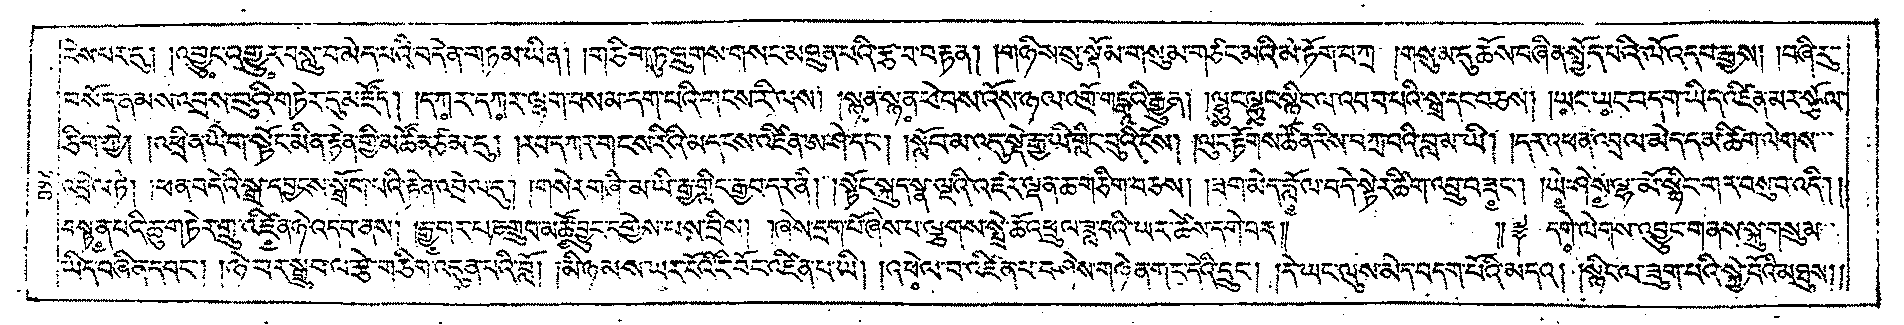ངེས་པར་དུ། །འབྱུང྾་འགྱུར྾་བསླུ་བ་མེད་པའི་བདེན་གཏམ་ཡིན། །གཅིག་ཏུ་ཐུགས་གསང་མཐུན་པའི་རྩ་བ་བརྟན། །གཉིས་སུ་སྡོམ་གསུམ་གཙང་མའི་མེ་ཏོག་བཀྲ་།གསུམ་དུ་ཆོས་བཞིན་སྤྱོད་པའི་ལོ་འདབ་རྒྱས། །བཞི་རུ་
བསོད་ནམས་འབྲས་བུའི་གཏེར་དུ་མཛོད། །དཀར྾་དཀར྾་ལྷག་བསམ་དག་པའི་གངས་རི་ལས། །སྙན྾་སྙན྾་ཕེབས་འོས་ཉལ་འགྲོ་གངྒཱའི་རྒྱུན། །ལྷུང྾་ལྷུང྾་སྙིང་ལ་འབབ་པའི་སྒྲ་དང་བཅས། །ཡང྾་ཡང྾་བདག་ཡིད་འཛིན་མར་སྩོལ་
ཅིག་ཀྱེ། །འཕྲིན་ཡིག་སྟོང་མིན་རྟེན་གྱི་མཚོན་ཙམ་དུ། །རབ་དཀར་གངས་རིའི་མདངས་འཛིན་ཨ་ཤེ་དང་། །སློབ་མ་འདུ་སྡེ་རྒྱ་ཡི་གླིང་བུའི་ངོས། །ལུང་རྟོགས་ཚོན་རིས་བཀྲ་བའི་བླ་མ་ཡི། །དར་འཕན་འབྲལ་མེད་དམ་ཚིག་ལེགས་
འབྲེལ་ཏེ། །ཕན་བདེའི་སྒྲ་དབྱངས་སྒྲོག་པའི་རྟེན་འབྲེལ་དུ། །གསེར་གཞི་མ་ཡི་རྒྱ་གླིང་རྒྱབ་དར་ནི། །སྟོང་སྐུད་སྣ་ལྔའི་འཛར་ལྡན་ཆ་གཅིག་བཅས། །ཟག་མེད་བློ྾་ལ་བདེ་སྟེར་ཚིག་འབྲུ་བཟང྾། །ཡེ྾་ཤེས྾་ལྷ་མོ་སྙིང་གར་བསུ་བ་འདི། །
བསྟན྾་པའི་ཆུ་གཏེར་གྲུ་འཛིན྾་ཉེ་འདབ་ནས། །རྒྱ྾་གར་པཎ་གྲུབ་མཚོ྾་བྱུང་དགྱེས་པས་བྲིས། །ཞེས་དྲག་པོ་ཞེས་པ་ལྕགས་སྤྲེ་ཆོ་འཕྲུལ་ཟླ་བའི་ཡར་ཚེས་དགེ་བར།། །། ༈ དགེ྾་ལེགས་འབྱུང་གནས་སྐུ་གསུམ་
ཡིད་བཞིན་དབང་། །ཉེ་བར་སྒྲུབ་ལ་རྩེ་གཅིག་འདུན་པའི་བློ། །མི་ཉམས་ཡར྾་ངོའི་རི་བོང་འཛིན་པ་ཡི། །འཕེལ྾་བ་འཛིན་པ་བཤེས་གཉེན་གང་དེའི་དྲུང་། །དེ་ཡང་ལུས་མེད་བདག་པོའི་མདའ། །སྙིང་ལ་ཟུག་པའི་སྐྱེ་བོའི་མཐུས། །